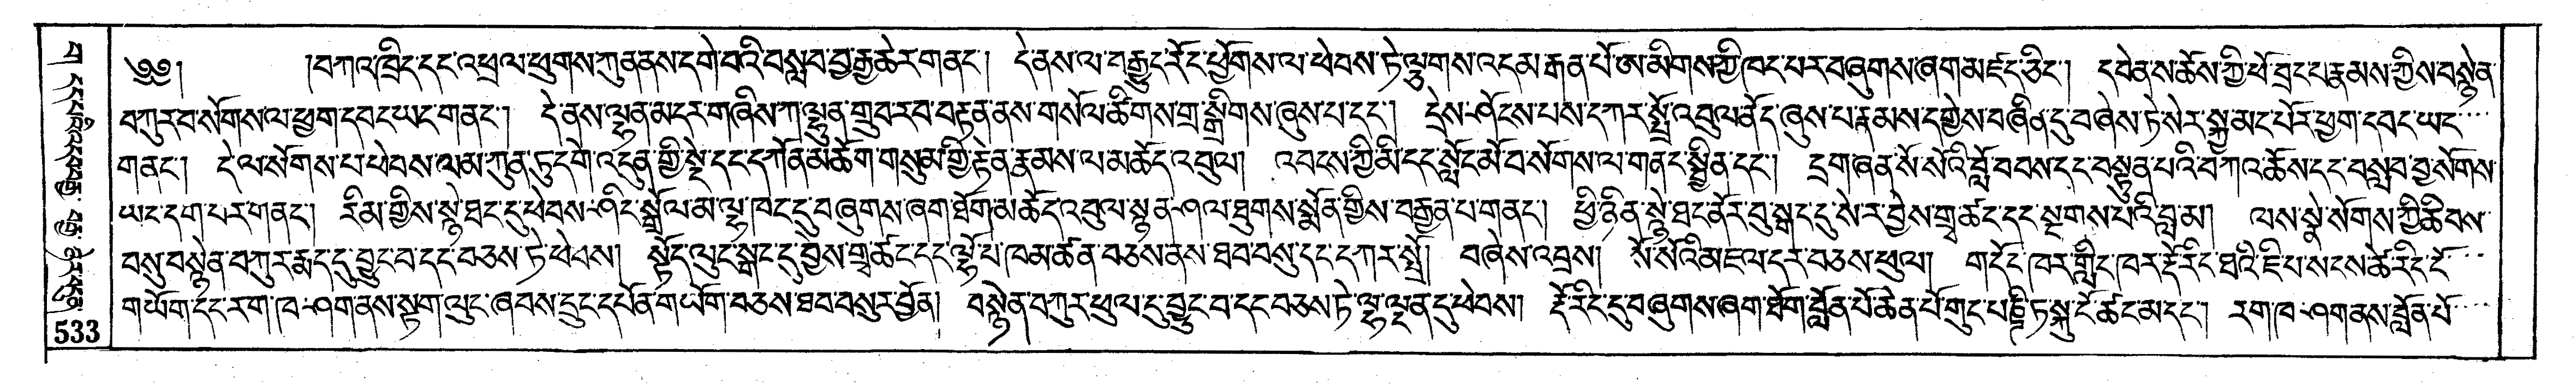༄༅། །བཀའ་ཁྲིད་དང་འཕྲལ་ཕུགས་ཀུན་ནས་དགེ་བའི་བསླབ་བྱ་རྒྱ་ཆེར་གནང་། དེ་ནས་ལ་བརྒྱུད་རོང་ཕྱོགས་ལ་ཕེབས་ཏེ་ལྕགས་འདམ་རྒན་པོ་ཨ་མིགས་ཀྱི་ཁང་བར་བཞུགས་ཞག་མཛད་ཅིང་། དབེན་ས་ཆོས་ཀྱི་ཕོ་བྲང་བ་རྣམས་ཀྱིས་བསྙེན་
བཀུར་བ་སོགས་ལ་ཕྱག་དབང་ཡང་གནང་། དེ་ནས་ལྷན་མདར་གཞིས་ཀ་ལྷུན་གྲུབ་རབ་བརྟན་ནས་གསོལ་ཚིགས་གྲ་སྒྲིག་ཞུས་པ་དང་། དྲེས་ཤོངས་བས་དཀར་སྤྲོ་འབུལ་ནོད་ཞུས་པ་རྣམས་དགྱིས་བཞིན་དུ་བཞེས་ཏེ་སེར་སྐྱ་མང་པོར་ཕྱག་དབང་ཡང་
གནང་། དེ་ལ་སོགས་པ་ཕེབས་ལམ་ཀུན་ཏུ་དགེ་འདུན་གྱི་སྡེ་དང་དཀོན་མཆོག་གསུམ་གྱི་རྟེན་རྣམས་ལ་མཆོད་འབུལ། འབངས་ཀྱི་མི་དང་སློང་མོ་བ་སོགས་ལ་གནང་སྦྱིན་དང་། དྲག་ཞན་སོ་སོའི་བློ་བབས་དང་བསྟུན་པའི་བཀའ་ཆོས་དང་བསླབ་བྱ་སོགས་
ཡང་དག་པར་གནང་། རིམ་གྱིས་སྙེ་ཐང་དུ་ཕེབས་ཤིང་སྒྲོལ་མ་ལྷ་ཁང་དུ་བཞུགས་ཞག་ཐོག་མཆོད་འབུལ་སྙན་ཤལ་ཐུགས་སྨོན་གྱིས་བརྒྱན་པ་གནང་། ཕྱི་ཉིན་སྙེ་ཐང་ནོར་བུ་སྒང་དུ་སེར་བྱེས་གྲྭ་ཚང་དང་སྔགས་པའི་བླ་མ། ལས་སྣེ་སོགས་ཀྱི་ཆིབས་
བསུ་བསྙེན་བཀུར་རྨད་དུ་བྱུང་བ་དང་བཅས་ཏེ་ཕེབས། སྟོད་ལུང་སྒང་དུ་བྱེས་གྲྭ་ཚང་དང་ལྷོ་པ་ཁ་མཚན་བཅས་ནས་ཐབ་བསུ་དང་དཀར་སྤྲོ། བཞེས་འབྲས། སོ་སོའི་མཇལ་དར་བཅས་ཕུལ། གདོང་ཁར་གླིང་ཁར་རྡོ་རིང་ཐའི་ཇི་པ་སངས་ཚེ་རིང་ངོ་
གཡོག་དང་རག་ཁ་ཤག་ནས་སྟག་ལུང་ཞབས་དྲུང་དཔོན་གཡོག་བཅས་ཐབ་བསུར་བྱོན། བསྙེན་བཀུར་ཕུལ་དུ་བྱུང་བ་དང་བཅས་ཏེ་ལྷ་ལྡན་དུ་ཕེབས། རྦོ་རིང་དུ་བཞུགས་ཞག་ཐོག་བློན་པོ་ཆེན་པོ་གུང་པཎྜི་ཏ་སྐུ་ངོ་ཚང་མ་དང་། རག་ཁ་ཤག་ནས་བློན་པོ་